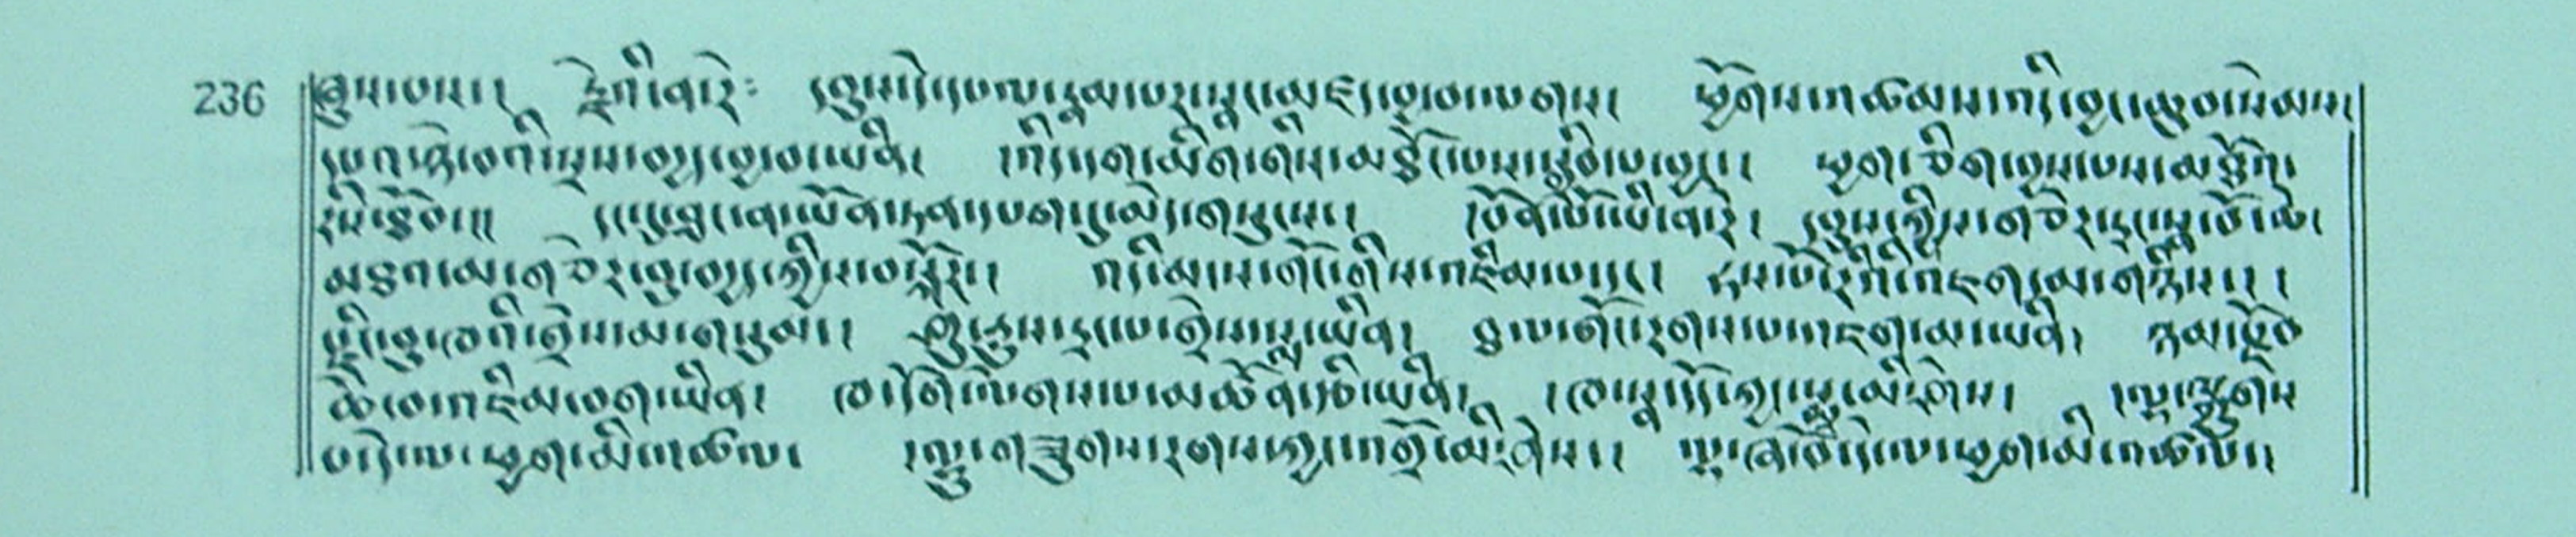ཞུས་པས། རྗེ་ན་རེ། དབུས་དེ་དཔལ་རྣམ་པར་སྣང་མཛད་བྱ་བ་ལགས། ཕྱོགས་འཚམས་འདི་བྱང་ཆུབ་སེམས་
དཔའ་ཉེ་བའི་སྲས་བརྒྱད་བྱ་བ་ཡིན། འདི་མིག་གིས་མཐོང་བས་སྒྲིབ་པ་བྱང་། ཕྱག་ཅིག་བྱས་པས་ཐར་པ་མཐོའ་
རིས་ཐོབ། དང་དུ་བླངས་ན་ཡོན་ཏན་དཔག་དུ་མེད་གསུངས་། །བོན་པོ་ཡི་ན་རེ། དབུས་ཀྱི་གཅེར་དྲང་སྣ་བོ་ཆེ། 
མཐའ་མ་གཅེར་བུ་བརྒྱད་ཀྱིས་བསྐོར། འདི་མ་ས་གོང་གིས་འཇིམ་པ་དང་། ཧས་པོ་རིའི་འཇག་མ་གཉིས། 
རྫིང་བུ་ཁའི་གྲས་མ་གསུམ། ཤུ་རྒྱུས་དྲང་པ་གྲས་སྨ་ཡིན། ཐལ་གོང་རགས་པ་འཇག་མ་ཡིན། ཉམས་རྫོབ་
ཆེ་བ་འཇིམ་བག་ཡིན། ཁ་དོག་ལེགས་པ་ཚོན་རྩི་ཡིན། ཁ་སྣ་དོད་ཀྱང་སྨྲ་མི་ཤེས། ལྷ་ལྐུགས་
པ་དེ་ལ་ཕྱག་མི་འཚལ། ལྷུ་གཟུགས་རགས་ཀྱང་འགྲོ་མི་ཤེས། ལྷ་ཞ་བོ་དེ་ལ་ཕྱག་མི་འཚལ།